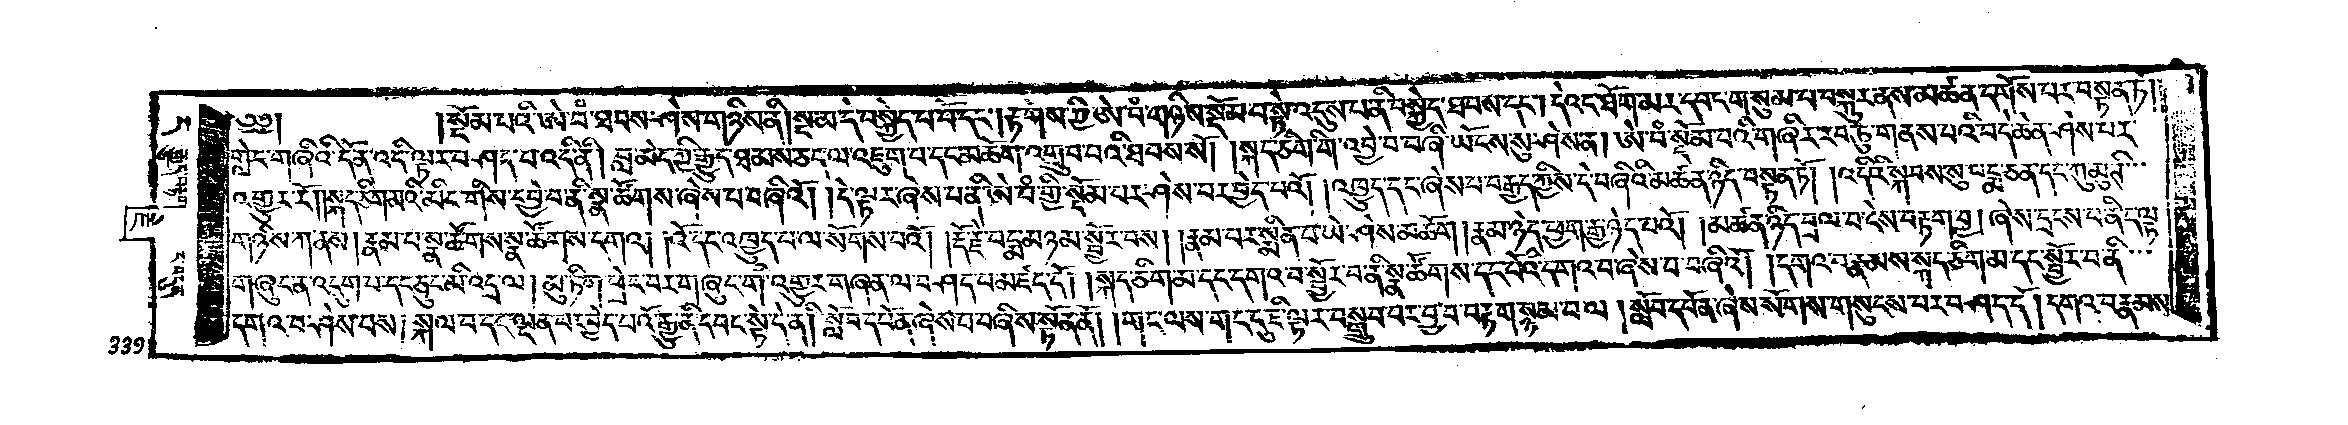༄༅། །སྡོམ་པའི་ཨེ་བམ་ཐབས་ཤེས་གཉིས་ནི། སྔ་མ་དེ་བསྐྱེད་པ་པོ་དང་། རྟགས་ཀྱི་ཨེ་བཾ་གཉིས་སྡོམ་པ་སྟེ་འདུས་པ་ནི་བསྐྱེད་ཐབས་དང་། དེའང་ཐོག་མར་དབང་གསུམ་པ་བསྐུར་ནས་མཚན་དགོས་པར་བསྟན་ཏེ།
གླེང་གཞིའི་དོན་འདི་ལྟར་བཤད་པ་འདི་ནི། བླ་མེད་ཀྱི་རྒྱུད་ཐམས་ཅད་ལ་འཇུག་པ་དང་མཆོག་འགྲུབ་པའི་ཐབས་སོ། །སྐད་ཅིག་གི་འབྱེ་བ་བཞི་ཡོངས་སུ་ཤེས་ན། ཨེ་བཾ་སྡོམ་པའི་གཞིར་རབ་ཏུ་གནས་པའི་བདེ་ཆེན་ཤེས་པར་
འགྱུར་རོ། །སྐད་ཅིག་མའི་མིང་གིས་དབྱེ་བ་ནི་སྣ་ཚོགས་ཞེས་པ་བཞིའོ། །དེ་ལྟར་ཞེས་པ་ནི་ཨེ་བཾ་གྱི་སྡོམ་པར་ཤེས་པར་བྱེད་པའོ། །འཁྱུད་དང་ཞེས་པ་བརྒྱད་ཀྱིས་དེ་བཞིའི་མཚན་ཉིད་བསྟན་ཏོ། །འདིའི་སྐབས་སུ་པདམ་ཅད་དང་ཀུ་མུ་ཊི་
གཉིས་ཀ་ནས། རྣམ་པ་སྣ་ཚོགས་སྣ་ཚོགས་དགའ། །འོ་དང་འཁྱུད་པ་ལ་སོགས་པའོ། །རྡོ་རྗེ་པདམ་མཉམ་སྦྱོར་བས། །རྣམ་པར་སྨིན་པ་ཡེ་ཤེས་མཆོག །རྣམ་ཉེད་ཕྱག་རྒྱ་ཉེད་པའོ། །མཚན་ཉིད་བྲལ་བ་དེས་བརྟག་བྱ། ཞེས་དྲངས་པ་ནི་ད་ལྟ་
གཞུང་ན་འདུག་པ་དང་ཅུང་མི་འདྲ་ལ། མུ་ཏིག་ཕྲེང་བར་གཞུང་གི་འགྱུར་གཞན་ལ་བཤད་པ་མཛད་དོ། །སྐད་ཅིག་མ་དང་དགའ་བ་སྦྱོར་བ་ནི་སྣ་ཚོགས་དང་པོའི་དགའ་བ་ཞེས་པ་བཞིའོ། །དགའ་བ་རྣམས་སྐད་ཅིག་མ་དང་སྦྱོར་བ་ནི་
དགའ་བ་ཤེས་པས། སྐལ་བ་དང་ལྡན་པར་བྱེད་པའོ་རྒྱུ་ནི་དབང་སྟེ་དེ་ནི། སློབ་དཔོན་ཞེས་པ་བཞིས་སྟོན་ནོ། །གང་ལས་གང་དུ་ཇི་ལྟར་བསྒྲུབ་པར་བྱ་བ་བརྟག་སྙམ་པ་ལ། སློབ་དཔོན་ཞེས་སོགས་གསུངས་པར་བཤད་དོ། དགའ་བ་རྣམས་